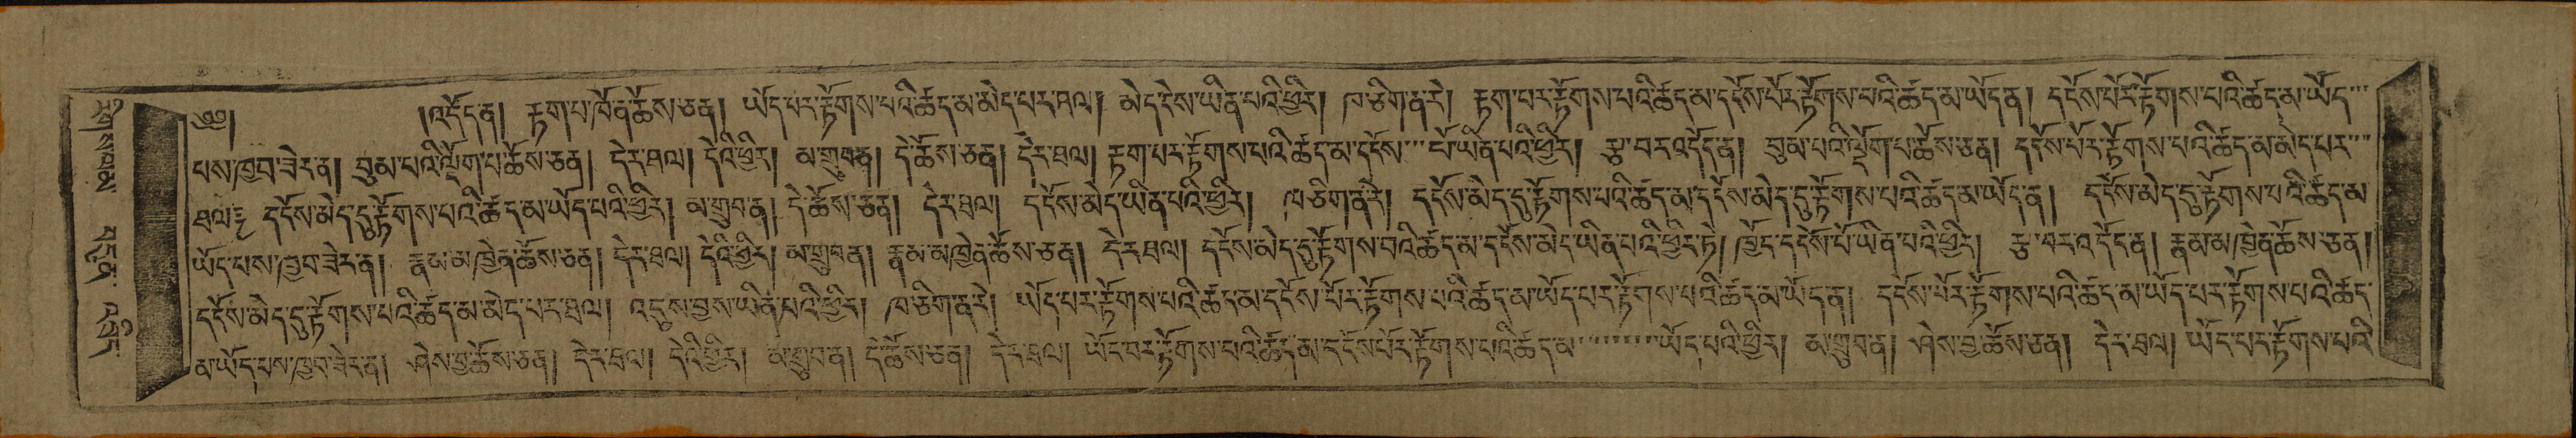༄༅། །འདོད་ན། རྟག་པ་ཁོ་ན་ཆོས་ཅན། ཡོད་པར་རྟོགས་པའི་ཚད་མ་མེད་པར་ཐལ། མེད་ངེས་ཡིན་པའི་ཕྱིར། ཁ་ཅིག་ན་རེ། རྟག་པར་རྟོགས་པའི་ཚད་མ་དངོས་པོར་རྟོགས་པའི་ཚད་མ་ཡོད་ན། དངོས་པོར་རྟོགས་པའི་ཚད་མ་ཡོད་
པས་ཁྱབ་ཟེར་ན། བུམ་པའི་ལྡོག་པ་ཆོས་ཅན། དེར་ཐལ། དེའི་ཕྱིར། མ་གྲུབ་ན། དེ་ཆོས་ཅན། དེར་ཐལ། རྟག་པར་རྟོགས་པའི་ཚད་མ་དངོས་པོ་ཡིན་པའི་ཕྱིར། རྩ་བར་འདོད་ན། བུམ་པའི་ལྡོག་པ་ཆོས་ཅན། དངོས་པོར་རྟོགས་པའི་ཚད་མ་མེད་པར་
ཐལ༑ དངོས་མེད་དུ་རྟོགས་པའི་ཚད་མ་ཡོད་པའི་ཕྱིར། མ་གྲུབ་ན། དེ་ཆོས་ཅན། དེར་ཐལ། དངོས་མེད་ཡིན་པའི་ཕྱིར། ཁ་ཅིག་ན་རེ། དངོས་མེད་དུ་རྟོགས་པའི་ཚད་མ་དངོས་མེད་དུ་རྟོགས་པའི་ཚད་མ་ཡོད་ན། དངོས་མེད་དུ་རྟོགས་པའི་ཚད་མ་
ཡོད་པས་ཁྱབ་ཟེར་ན། རྣམ་མཁྱེན་ཆོས་ཅན། དེར་ཐལ། དེའི་ཕྱིར། མ་གྲུབ་ན། རྣམ་མཁྱེན་ཆོས་ཅན། དེར་ཐལ། དངོས་མེད་དུ་རྟོགས་བའི་ཚད་མ་དངོས་མེད་ཡིན་པའི་ཕྱིར་ཏེ། ཁྱོད་དངོས་པོ་ཡིན་པའི་ཕྱིར། རྩ་བར་འདོད་ན། རྣམ་མཁྱེན་ཆོས་ཅན།
དངོས་མེད་དུ་རྟོགས་པའི་ཚད་མ་མེད་པར་ཐལ། འདུས་བྱས་ཡིན་པའི་ཕྱིར། ཁ་ཅིག་ན་རེ། ཡོད་པར་རྟོགས་པའི་ཚད་མ་དངོས་པོར་རྟོགས་པའི་ཚད་མ་ཡོད་པར་རྟོགས་པའི་ཚད་མ་ཡོད་ན། དངོས་པོར་རྟོགས་པའི་ཚད་མ་ཡོད་པར་རྟོགས་པའི་ཚད་
མ་ཡོད་པས་ཁྱབ་ཟེར་ན། ཤེས་བྱ་ཆོས་ཅན། དེར་ཐལ། དེའི་ཕྱིར། མ་གྲུབ་ན། དེ་ཆོས་ཅན། དེར་ཐལ། ཡོད་བར་རྟོགས་པའི་ཚད་མ་དངོས་པོར་རྟོགས་པའི་ཚད་མ་ཡོད་པའི་ཕྱིར། མ་གྲུབ་ན། ཤེས་བྱ་ཆོས་ཅན། དེར་ཐལ། ཡོད་པར་རྟོགས་པའི་